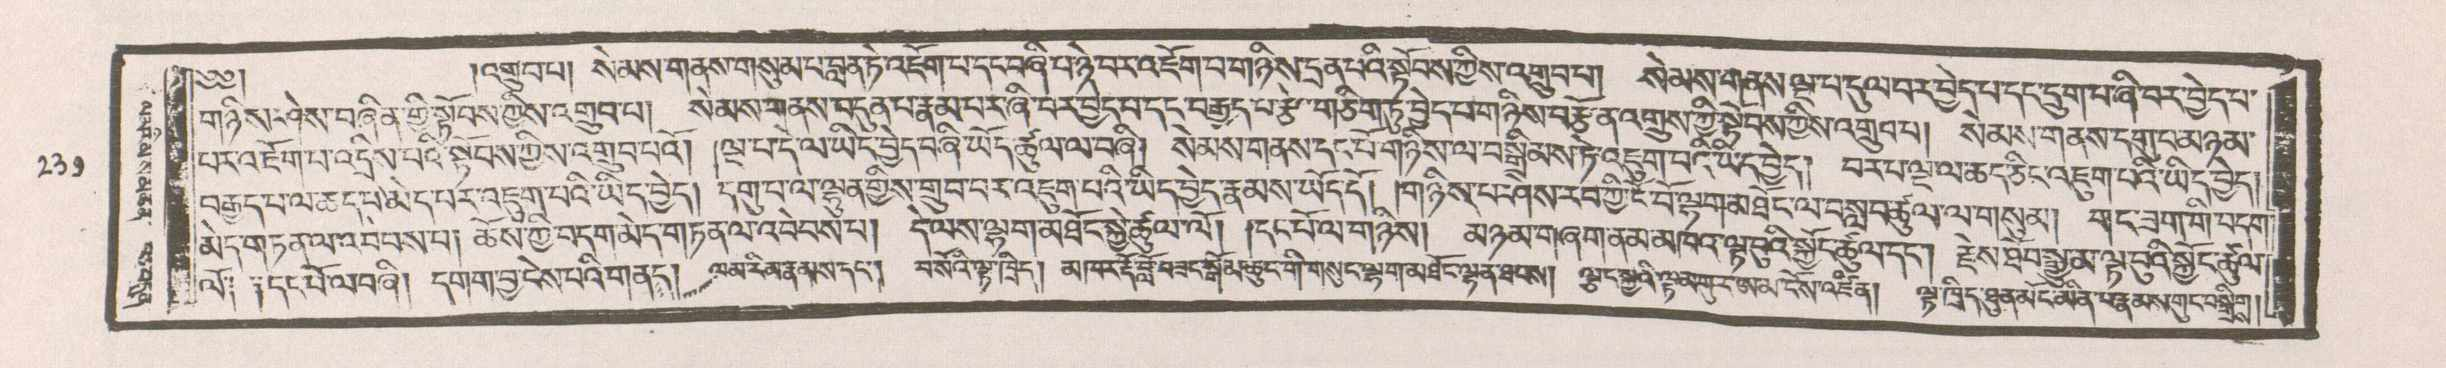༄༅། །འགྲུབ་པ། སེམས་གནས་གསུམ་པ་བླན་ཏེ་འཇོག་པ་དང་བཞི་པ་ཉེ་བར་འཇོག་པ་གཉིས་དྲན་པའི་སྟོབས་ཀྱིས་འགྲུབ་པ། སེམས་གནས་ལྔ་པ་དུལ་བར་བྱེད་པ་དང་དྲུག་པ་ཞི་བར་བྱེད་པ་
གཉིས་ཤེས་བཤིན་གྱི་སྟོབས་ཀྱིས་འགྲུབ་པ། སེམས་གནས་བདུན་པ་རྣམ་པར་ཞི་བར་བྱེད་པ་དང་བརྒྱད་པ་རྩེ་གཅིག་ཏུ་བྱེད་པ་གཉིས་བརྩོན་འགྲུས་ཀྱི་སྟོབས་ཀྱིས་འགྲུབ་པ། སེམས་གནས་དགུ་པ་མཉམ་
པར་འཇོག་པ་འདྲིས་པའི་སྟོབས་ཀྱིས་འགྲུབ་པའོ། །ལྔ་པ་དེ་ལ་ཡིད་བྱེད་བཞི་ཡོད་ཚུལ་ལ་བཞི། སེམས་གནས་དང་པོ་གཉིས་ལ་བསྒྲིམས་ཏེ་འཇུག་པའི་ཡིད་བྱེད། བར་པ་ལྔ་ལ་ཆད་ཅིང་འཇུག་པའི་ཡིད་བྱེད།
བརྒྱད་པ་ལ་ཆད་པ་མེད་པར་འཇུག་པའི་ཡིད་བྱེད། དགུ་པ་ལ་ལྷུན་གྱིས་གྲུབ་པར་འཇུག་པའི་ཡིད་བྱེད་རྣམས་ཡོད་དོ། །གཉིས་པ་ཤེས་རབ་ཀྱི་ངོ་བོ་ལྷག་མཐོང་ལ་བསླབ་ཚུལ་ལ་གསུམ། གང་ཟག་གི་བདག་
མེད་གཏན་ལ་འབེབས་པ། ཆོས་ཀྱི་བདག་མེད་གཏན་ལ་འབེབས་པ། དེ་ལས་ལྷག་མཐོང་སྐྱེ་ཚུལ་ལོ། །དང་པོ་ལ་གཉིས། མཉམ་གཞག་ནམ་མཁའ་ལྟ་བུའི་སྐྱོང་ཚུལ་དང་། རྗེས་ཐོབ་སྒྱུ་མ་ལྟ་བུའི་སྐྱོང་ཚུལ་
ལོ༑ ༑དང་པོ་ལ་བཞི། དགག་བྱ་ངེས་པའི་གནད། ལམ་རིམ་རྣམས་དང་། བ་སོའི་ལྟ་ཁྲིད། མཁར་རྡོ་བློ་བཟང་སྒོམ་ཆུང་གི་གསུང་ལྷག་མཐོང་ལྷན་ཐབ། ལྕང་སྐྱའི་ལྟ་མགུར་ཨ་མ་ངོས་འཛིན། ལྟ་ཁྲིད་ཐུན་མོང་མིན་པ་རྣམས་གུང་བསྒྲིགས།